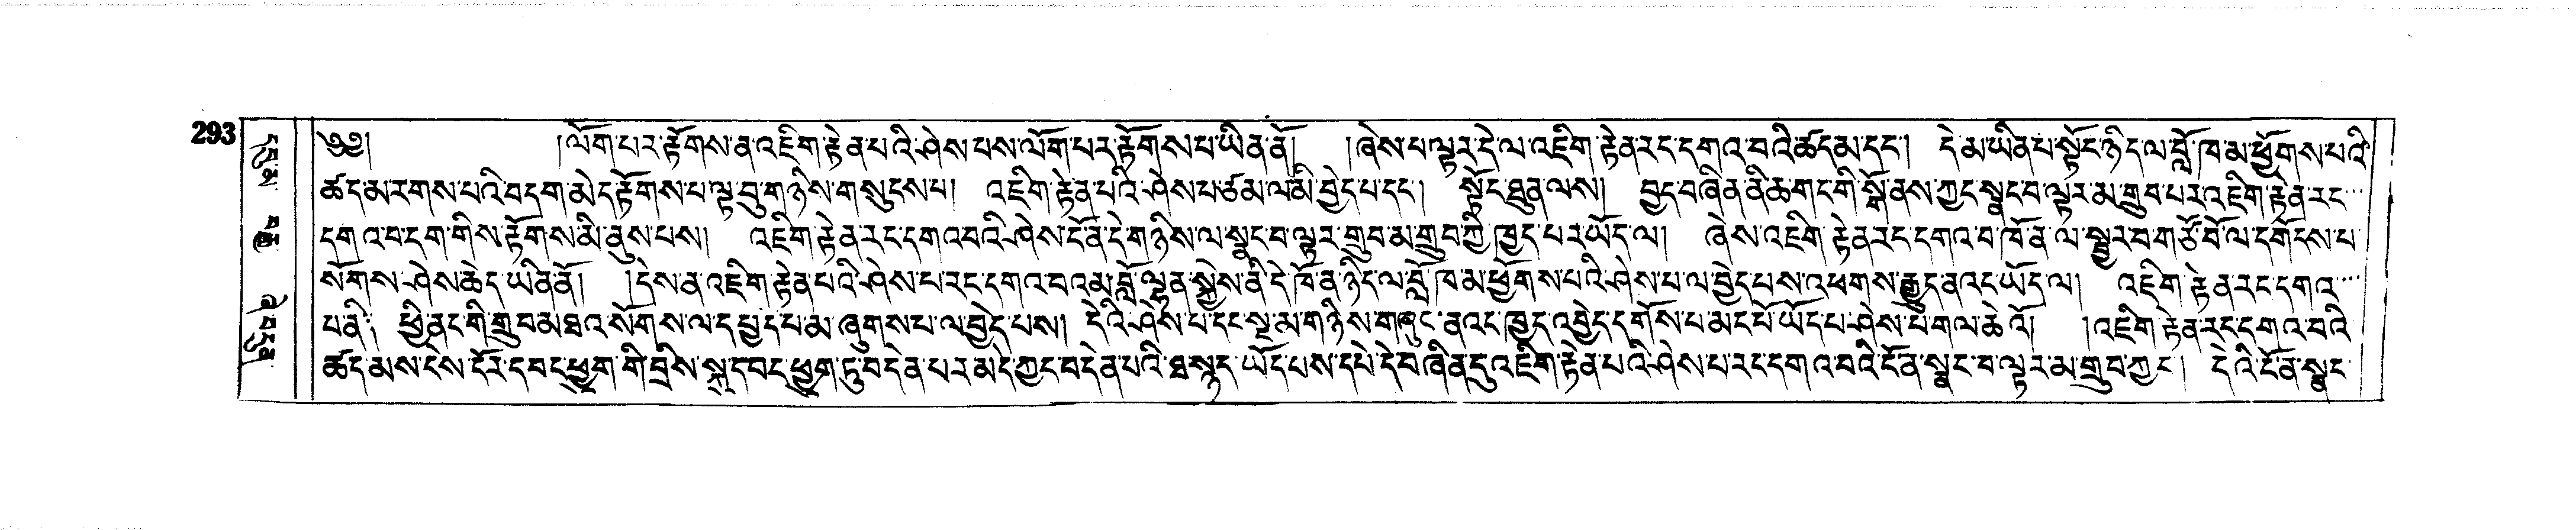༄༅། །ལོག་པར་རྟོགས་ན་འཇིག་རྟེན་པའི་ཤེས་པས་ལོག་པར་རྟོགས་པ་ཡིན་ནོ། །ཞེས་པ་ལྟར་དེ་ལ་འཇིག་རྟེན་རང་དགའ་བའི་ཚད་མ་དང་། དེ་མ་ཡིན་པ་སྟོང་ཉིད་ལ་བློ་ཁ་མ་ཕྱོགས་པའི་
ཚད་མ་རགས་པའི་བདག་མེད་རྟོགས་པ་ལྟ་བུ་གཉིས་གསུངས་པ། འཇིག་རྟེན་པའི་ཤེས་པ་ཙམ་ལ་མི་བྱེད་པ་དང་། སྟོང་ཐུན་ལས། བྱད་བཞིན་ནི་ཆ་གང་གི་སྒོ་ནས་ཀྱང་སྣང་བ་ལྟར་མ་གྲུབ་པར་འཇིག་རྟེན་རང་
དགའ་བ་དག་གིས་རྟོགས་མི་ནུས་པས། འཇིག་རྟེན་རང་དགའ་བའི་ཤེས་ངོ་ན་དེ་གཉིས་ལ་སྣང་བ་ལྟར་གྲུབ་མ་གྲུབ་ཀྱི་ཁྱད་པར་ཡོད་ལ། ཞེས་འཇིག་རྟེན་རང་དགའ་བ་ཁོ་ན་ལ་སྦྱར་བ་གཙོ་བོ་ལ་དགོངས་པ་
སོགས་ཤེས་ཆེད་ཡིན་ནོ། །དེས་ན་འཇིག་རྟེན་པའི་ཤེས་པ་རང་དགའ་བའམ་བློ་ལྷན་སྐྱེས་ནི་དེ་ཁོ་ན་ཉིད་ལ་བློ་ཁ་མ་ཕྱོགས་པའི་ཤེས་པ་ལ་བྱེད་པས་འཕགས་རྒྱུད་ནའང་ཡོད་ལ། འཇིག་རྟེན་རང་དགའ་
པ་ནི། ཕྱི་ནང་གི་གྲུབ་མཐའ་སོགས་ལ་དཔྱད་པ་མ་ཞུགས་པ་ལ་བྱེད་པས། དེའི་ཤེས་པ་དང་སྔ་མ་གཉིས་གཞུང་ནའང་ཁྱད་འབྱེད་དགོས་པ་མང་པོ་ཡོད་པ་ཤེས་པ་གལ་ཆེའོ། །འཇིག་རྟེན་རང་དགའ་བའི་
ཚད་མས་ངེས་དོར་དབང་ཕྱུག་གི་བྲིས་སྐུ་དབང་ཕྱུག་ཏུ་བདེན་པར་མེད་ཀྱང་བདེན་པའི་ཐ་སྙད་ཡོད་པས་དཔེ་དེ་བཞིན་དུ་འཇིག་རྟེན་པའི་ཤེས་པ་རང་དགའ་བའི་ངོ་ན་སྣང་བ་ལྟར་མ་གྲུབ་ཀྱང་། དེའི་ངོ་ན་སྣང་